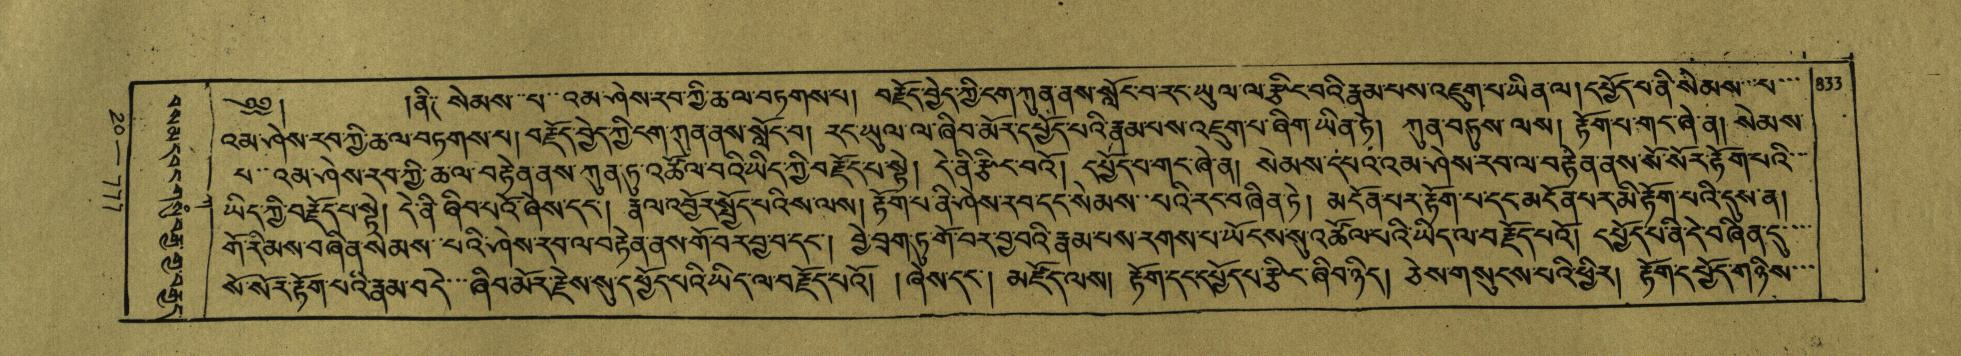༄༅། །ནི༑ སེམས་པའམ་ཤེས་རབ་ཀྱི་ཆ་ལ་བཏགས་པ། བརྗོད་བྱེད་ཀྱི་ངག་ཀུན་ནས་སློང་བ་རང་ཡུལ་ལ་རྩིང་བའི་རྣམ་པས་འཇུག་པ་ཡིན་ལ། དཔྱོད་པ་ནི་སེམས་པ་
འམ་ཤེས་རབ་ཀྱི་ཆ་ལ་བཏགས་པ། བརྗོད་བྱེད་ཀྱི་ངག་ཀུན་ནས་སློང་བ། རང་ཡུལ་ལ་ཞིབ་མོར་དཔྱོད་པའི་རྣམ་པས་འཇུག་པ་ཞིག་ཡིན་ཏེ། ཀུན་བཏུས་ལས། རྟོག་པ་གང་ཞེ་ན། སེམས་
པའམ་ཤེས་རབ་ཀྱི་ཆ་ལ་བརྟེན་ནས་ཀུན་ཏུ་འཚོལ་བའི་ཡིད་ཀྱི་བརྗོད་པ་སྟེ། དེ་ནི་རྩིང་བའོ། །དཔྱོད་པ་གང་ཞེ་ན། སེམས་དཔའམ་ཤེས་རབ་ལ་བརྟེན་ནས་
སོ་སོར་རྟོག་པའི་ཡིད་ཀྱི་བརྗོད་པ་སྟེ། དེ་ནི་ཞིབ་པའོ་ཞེས་དང་། རྣལ་འབྱོར་སྤྱོད་པའི་ས་ལས། རྟོག་པ་ནི་ཤེས་རབ་དང་སེམས་པའི་རང་བཞིན་ཏེ། མངོན་པར་རྟོག་པ་དང་མངོན་པར་མི་རྟོག་པའི་དུས་ན།
གོ་རིམས་བཞིན་སེམས་པའི་ཤེས་རབ་ལ་བརྟེན་ནས་གོ་བར་བྱ་བ་དང་། བྱེ་བྲག་ཏུ་གོ་བར་བྱ་བའི་རྣམ་པས་རགས་པ་ཡོངས་སུ་འཚོལ་པའི་ཡིད་ལ་བརྗོད་པའོ། །དཔྱོད་པ་ནི་དེ་བཞིན་དུ་
སོ་སོར་རྟོག་པའི་རྣམ་བདེ་ཞིབ་མོར་རྗེས་སུ་དཔྱོད་པའི་ཡིད་ལ་བརྗོད་པའོ། །ཞེས་དང་། མཛོད་ལས། རྟོག་དང་དཔྱོད་པ་རྩིང་ཞིབ་ཉིད། ཅེས་གསུངས་པའི་ཕྱིར། རྟོག་དཔྱོད་གཉིས་